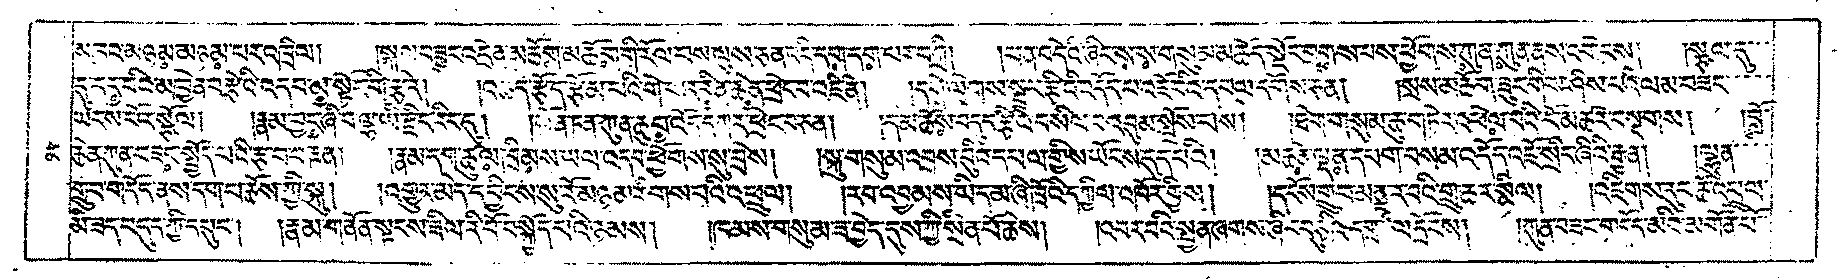མཁའ་མཉམ྾་མཉམ྾་པར་འཁྲིལ། །སྐལ་བཟང་འདྲེན་མཆོག་མཆོག་གི་རོལ་པས་ལུས་ཅན་འདི་དག་དག་པར་བཀྲི། །ཕན་བདེའི་ཞིང་ས་ས་གསུམ་མཆོད་སྡོང་གྲགས་པས་ཕྱོགས་ཀུན་ཀུན་ནས་འགེངས། །སྩལ་དུ་
དུ་དར་བའི་མཁྱེན་བརྩེའི་འདབ་མ་སྟོང་གི་རྩ་རེ། །འཆད་རྩོད་རྩོམ་པའི་གེ་སར་རིན་ཆེན་ཕྲེང་བ་འཛིན། །དགེ་ལེགས་སྦྲང་རྩིའི་འདོད་པ་འཇོ་བའི་དཔལ་དགོས་ཅན། །སྲས་མཆོག་ཟུང་གིས་ཤིས་པའི་ལམ་བཟང་
ཡངས་པོར་སྩོལ། །རྣམ་བྱང་ཞི་བ་ལྷ་ཡི་རྫིང་རིང་དུ། །ཡོན་ཏན་ཀུན་ཆུབ་འོད་དཀར་ཕྲེང་བ་ཅན། །དམ་ཆོས་བདུད་རྩིའི་བསིལ་བ་འབུམ་སྤྲོས་པས། །ཐེག་གསུམ་ཆུ་གཏེར་འཕེལ་བའི་ངོ་མཚར་བསྔགས། །བློ་
ཆེན་ཀུན་བཟང་སྤྱོད་པའི་རྩ་བ་བརྟན། །རྣམ་དག་ཚུལ་ཁྲིམས་ཡལ་འདབ་ཕྱོགས་སུ་བྲེས། །སྐུ་གསུམ་འབྲས་བུའི་དཔལ་གྱིས་ཡོངས་དུད་པའི། །མཚན་ལྡན་དཔག་བསམ་འཇོ་སྲིད་ཞིའི་རྒྱན། །ལྷུན་
གྲུབ་གདོད་ནས་དག་པ་ཆོས་ཀྱི་སྐུ། །འགྱུར་མེད་དབྱིངས་སུ་རོ་མཉམ་རིགས་པའི་འཕྲུལ། །རབ་འབྱམས་ཡི་དམ་ཞི་ཁྲོའི་དཀྱིལ་འཁོར་གྱིས། །དངོས་གྲུབ་མཌཱ་ར་བའི་གྲུ་ཆར་སྙིལ། །འཇིགས་རུང་ཆོ་འཕྲུལ་
མི་ཟད་བདུད་ཀྱི་དཔུང་། །རྣམ་གནོན་སྟངས་ཟིལ་རི་བོ་བསྐྱོད་པའི་ཉམས། །ཁམས་གསུམ་ཟ་བྱེད་དུས་ཀྱི་སྲིན་པོ་ཆེས། །འབར་བའི་སྤྱན་ཞགས་ཞིང་བཅུའི་དགྲ་ལ་དྲོངས། །ཀུན་བཟང་གདོད་མའི་མགོན་པོ་